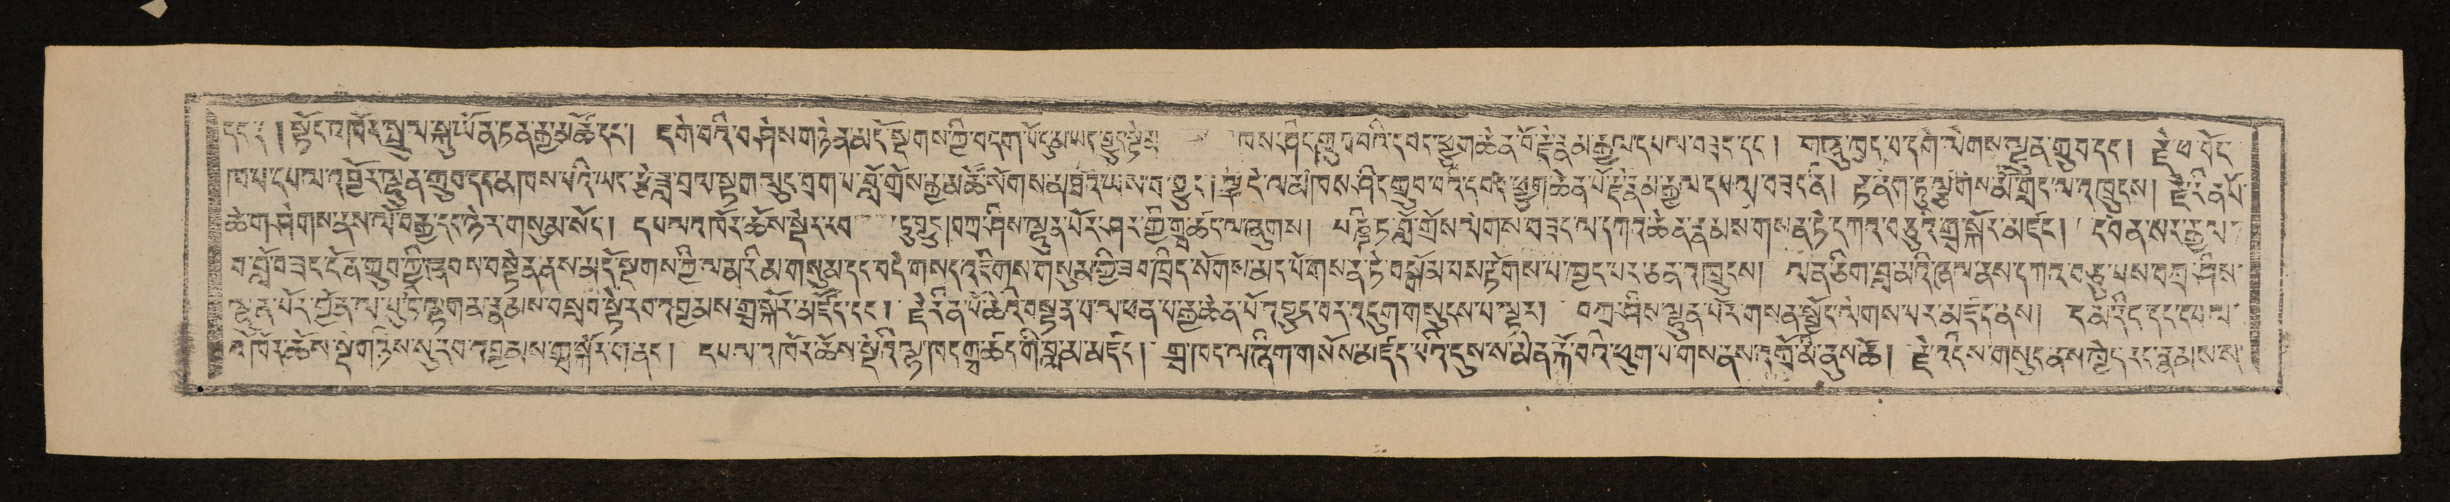དང༑ སྟོང་འཁོར་སྤྲུལ་སྐུ་ཡོན་ཏན་རྒྱ་མཚོ་དང་། དགེ་བའི་བཤེས་གཉེན་མདོ་སྔགས་ཀྱི་བདག་པོ་དུ་མ་ཡང་བྱུང་སྟེ། མཁས་ཤིང་གྲུབ་པའི་དབང་ཕྱུག་ཆེན་པོ་རྗེ་རྣམ་རྒྱལ་དཔལ་བཟང་དང་། གཞུ་ཁང་པ་དགེ་ལེགས་ལྷུན་གྲུབ་དང་། རྗེ་ཕ་བོང་
ཁ་པ་དཔལ་འབྱོར་ལྷུན་གྲུབ་དང་མཁས་པའི་ཡང་རྩེ་ཟླ་བྲལ་སྟག་ལུང་བྲག་པ་བློ་གྲོས་རྒྱ་མཚོ་སོགས་མཐའ་ཡས་པ་བྱུང་། ༈ དེ་ལ་མཁས་ཤིང་གྲུབ་པའི་དབང་ཕྱུག་ཆེན་པོ་རྗེ་རྣམ་རྒྱལ་དཔལ་བཟང་ནི། རྟ་ནག་ཏུ་ལྕགས་མོ་གླང་ལ་འཁྲུངས། རྗེ་རིན་པོ་
ཆེ་གཤེགས་ནས་ལོ་བརྒྱ་དང་ཉེར་གསུམ་སོང་། དཔལ་འཁོར་ཆོས་སྡེར་རབ་ཏུ་བྱུང་། བཀྲ་ཤིས་ལྷུན་པོར་ཤར་གྱི་གྲྭ་ཚང་ལ་ཞུགས། པཎྜི་ཏ་བློ་གྲོས་ལེགས་བཟང་ལ་དཀའ་ཆེན་རྣམས་གསན་ཏེ་དཀའ་བཅུའི་གྲྭ་སྐོར་མཛད། དབེན་སར་རྒྱལ་
བ་བློ་བཟང་དོན་གྲུབ་ཀྱི་ཞབས་བསྟེན་ནས་མདོ་སྔགས་ཀྱི་ལམ་རིམ་གསུམ་དང་བདེ་གསང་འཇིགས་གསུམ་གྱི་ཟབ་ཁྲིད་སོགས་མང་པོ་གསན་ཏེ་བསྒོམ་པས་རྟོགས་པ་ཁྱད་པར་ཅན་འཁྲུངས། ལན་ཅིག་བླ་མའི་ཞལ་ནས་དཀའ་བཅུ་པས་བཀྲ་ཤིས་
ལྷུན་པོར་བྱོན་ལ་པུ་ཏི་ལྷག་མ་རྣམས་བསླབ་སྟེ་རབ་འབྱམས་གྲྭ་སྐོར་མཛོད་དང་། རྗེ་རིན་པོ་ཆེའི་བསྟན་པ་ལ་ཕན་པ་རྒྱ་ཆེན་པོ་འབྱུང་པར་འདུག་གསུངས་པ་ལྟར། བཀྲ་ཤིས་ལྷུན་པོར་གསན་སྦྱོང་ལེགས་པར་མཛད་ནས། དམ་རིང་དང་དཔལ་
འཁོར་ཆོས་སྡེ་གཉིས་སུ་རབ་འབྱམས་གྲྭ་སྐོར་གནང་། དཔལ་འཁོར་ཆོས་སྡེའི་ལྷ་ཁང་གྲྭ་ཚང་གི་བླ་མ་མཛད། གྲྭ་ཁང་ལ་ཞིག་གསོས་མཛད་པའི་དུས་ས་མེན་རྐོ་བའི་ཕུག་པ་གས་ནས་འགྲོ་མི་ནུས་ཚེ། རྗེ་འདིས་གསུང་ནས་ཁྱེད་རང་རྣམས་ས་